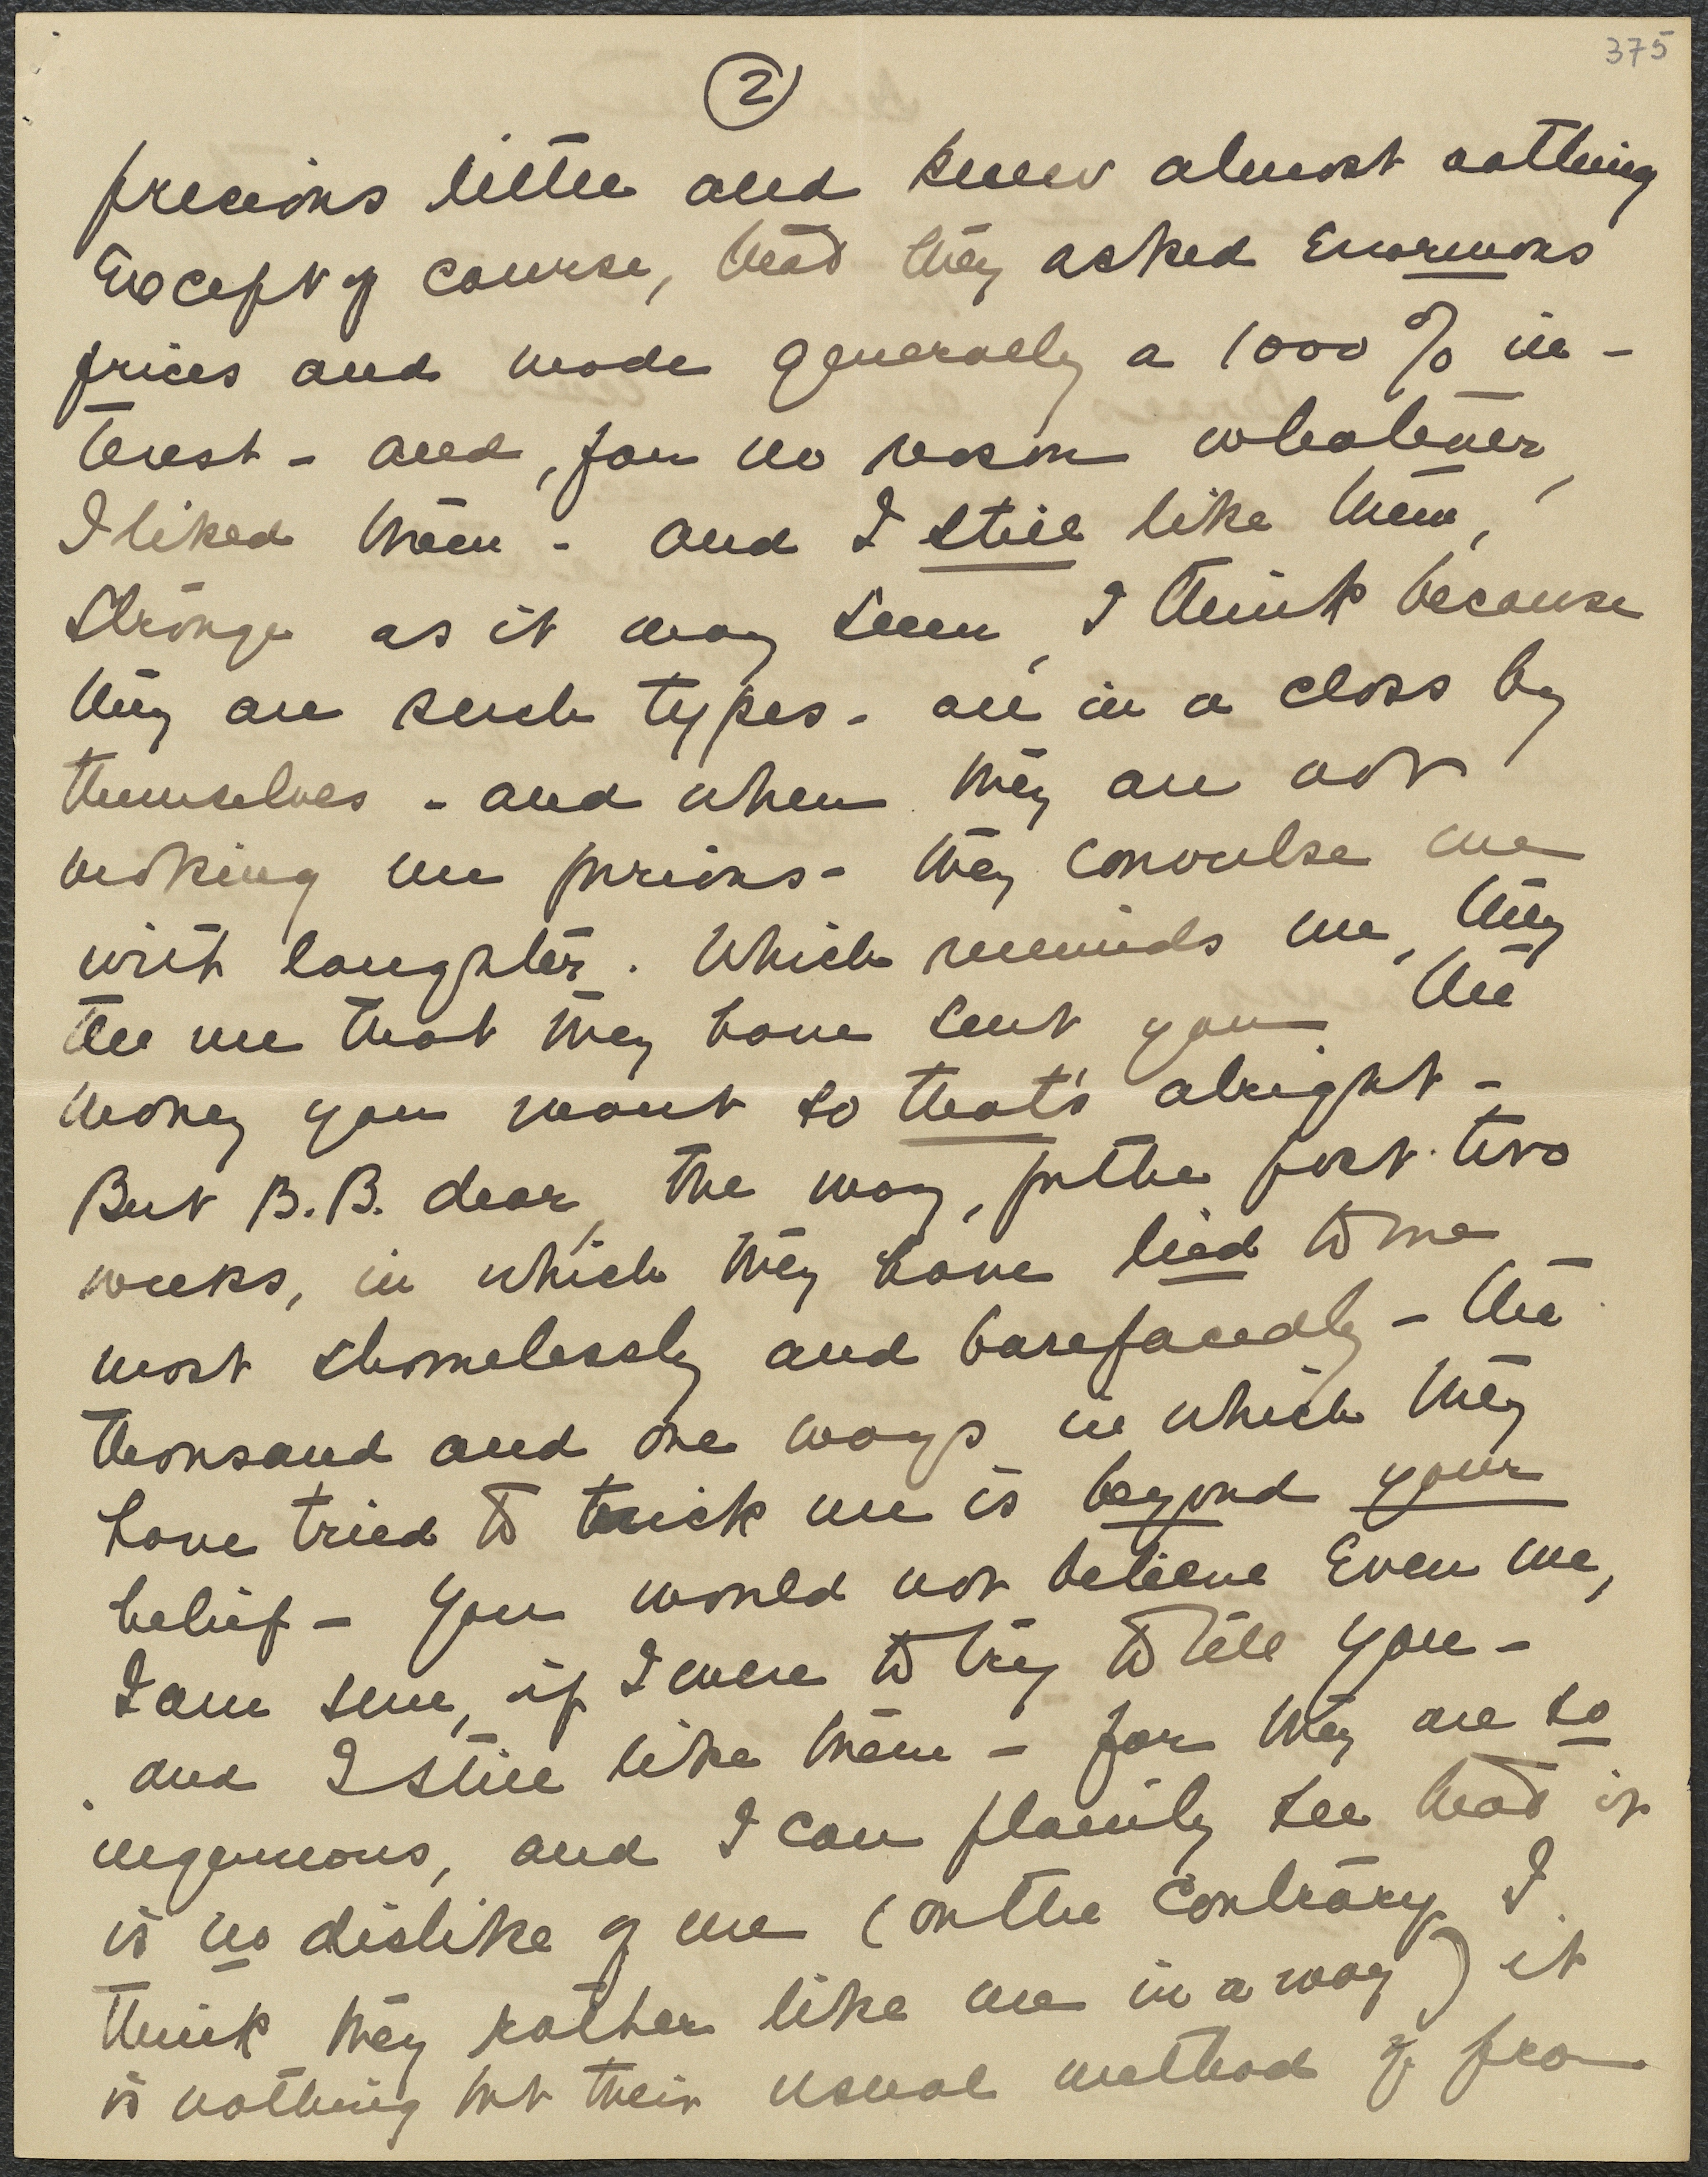[circled: 2]
precious little and knew almost nothing except of course, that they asked enormous prices and made generally a 1000% interest – and, for no reason what ever, I liked them – and I still like them, Strange as it may seem, I think because they are such types – all in a class by themselves – and when they are not making me furious – they convulse me with laughter. Which reminds me, they tell me that they have sent you the money you want so that’s alright – But B.B. dear, the way, for the past two weeks, in which they have lied to me most shamelessly and barefacedly – the thousand and one ways in which they have tried to trick me is beyond your belief – you would not believe even me, I am sure, if I were to try to tell you – and I still like them – for they are so ingenuous, and I can plainly see that it is no dislike of me (on the contrary I think they rather like me in a way) it is nothing but their usual method of